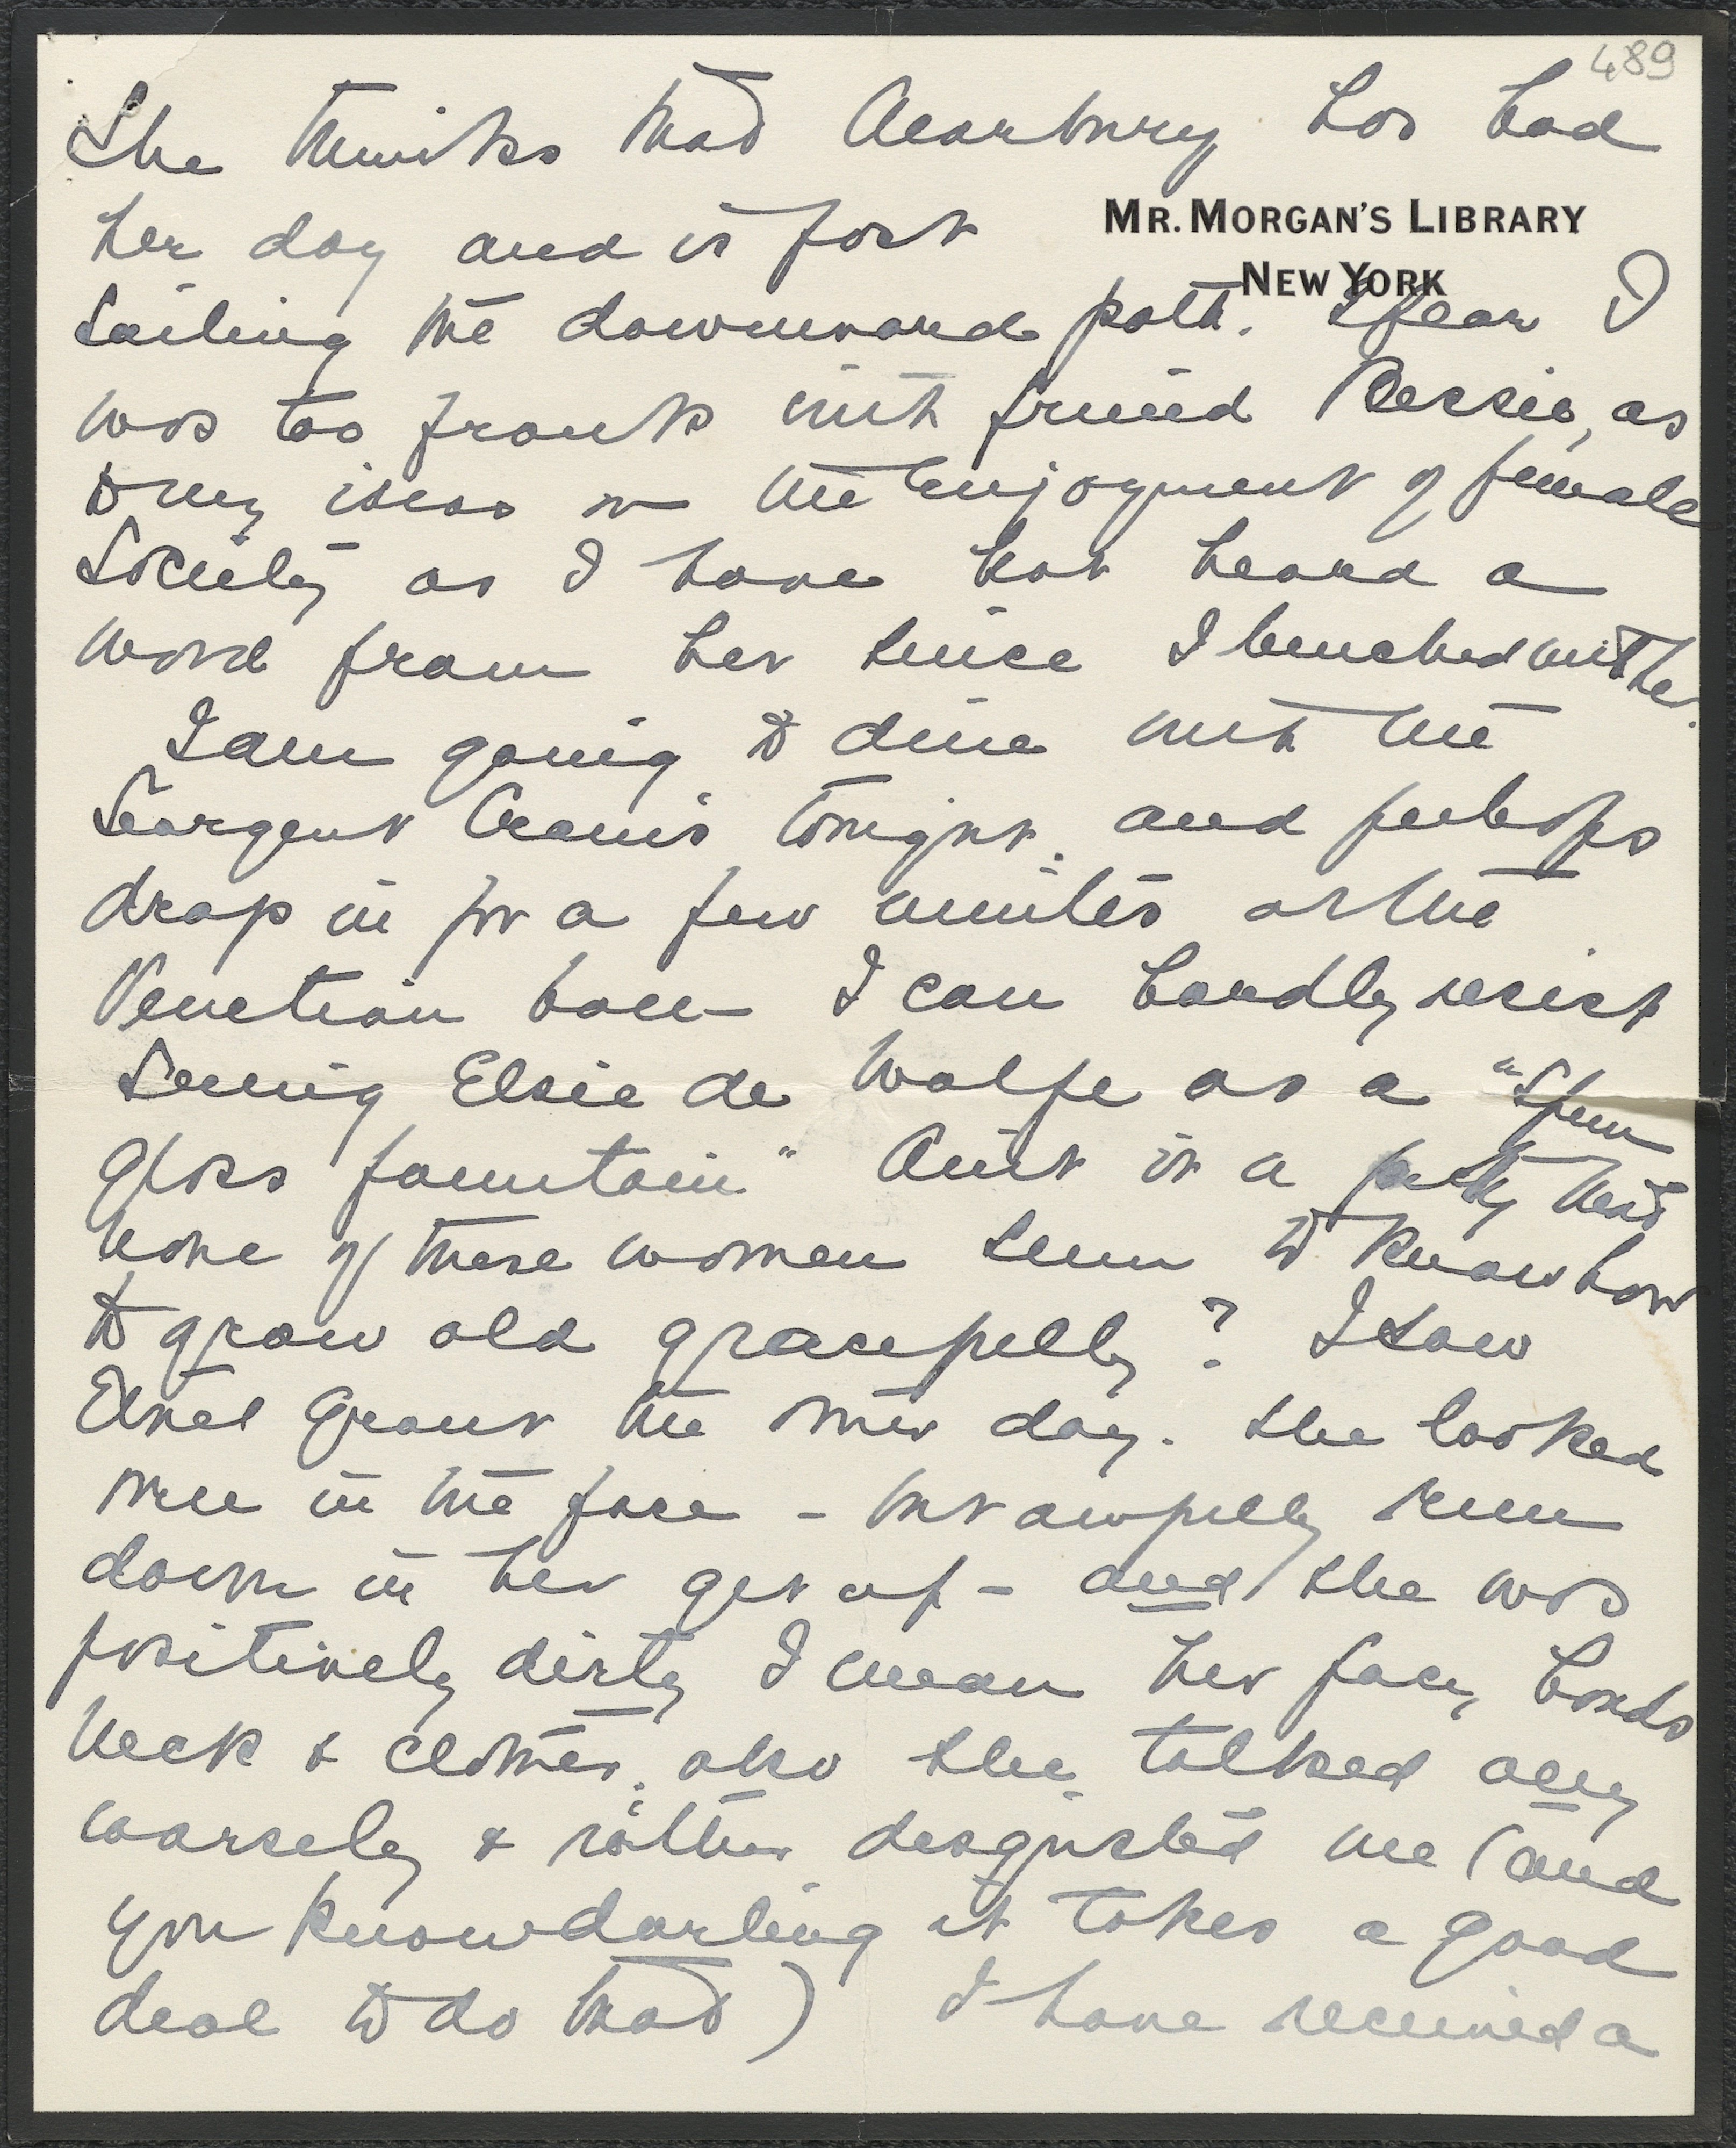She thinks that Marbury has had her day and is fast sailing the downward path. I fear I was too frank with friend Bessie, as to my ideas on the enjoyment of female society as I have not heard a word from her since I lunched with her.
I am going to dine with the Seargent [sic] Cram’s tonight and perhaps drop in for a few minutes at the Venetian ball – I can hardly resist seeing Elsie de Wolfe as a “spun glass fountain” Ain’t it a pity that none of these women seem to know how to grow old gracefully? I saw Ethel Grant the other day. She looked well in the face – but awfully fun down in her get up – and she was positively dirty I mean her face, hands, next & clothes; also she talked very coarsely & rather disgusted me (and you know darling it takes a good deal to do that) I have received a